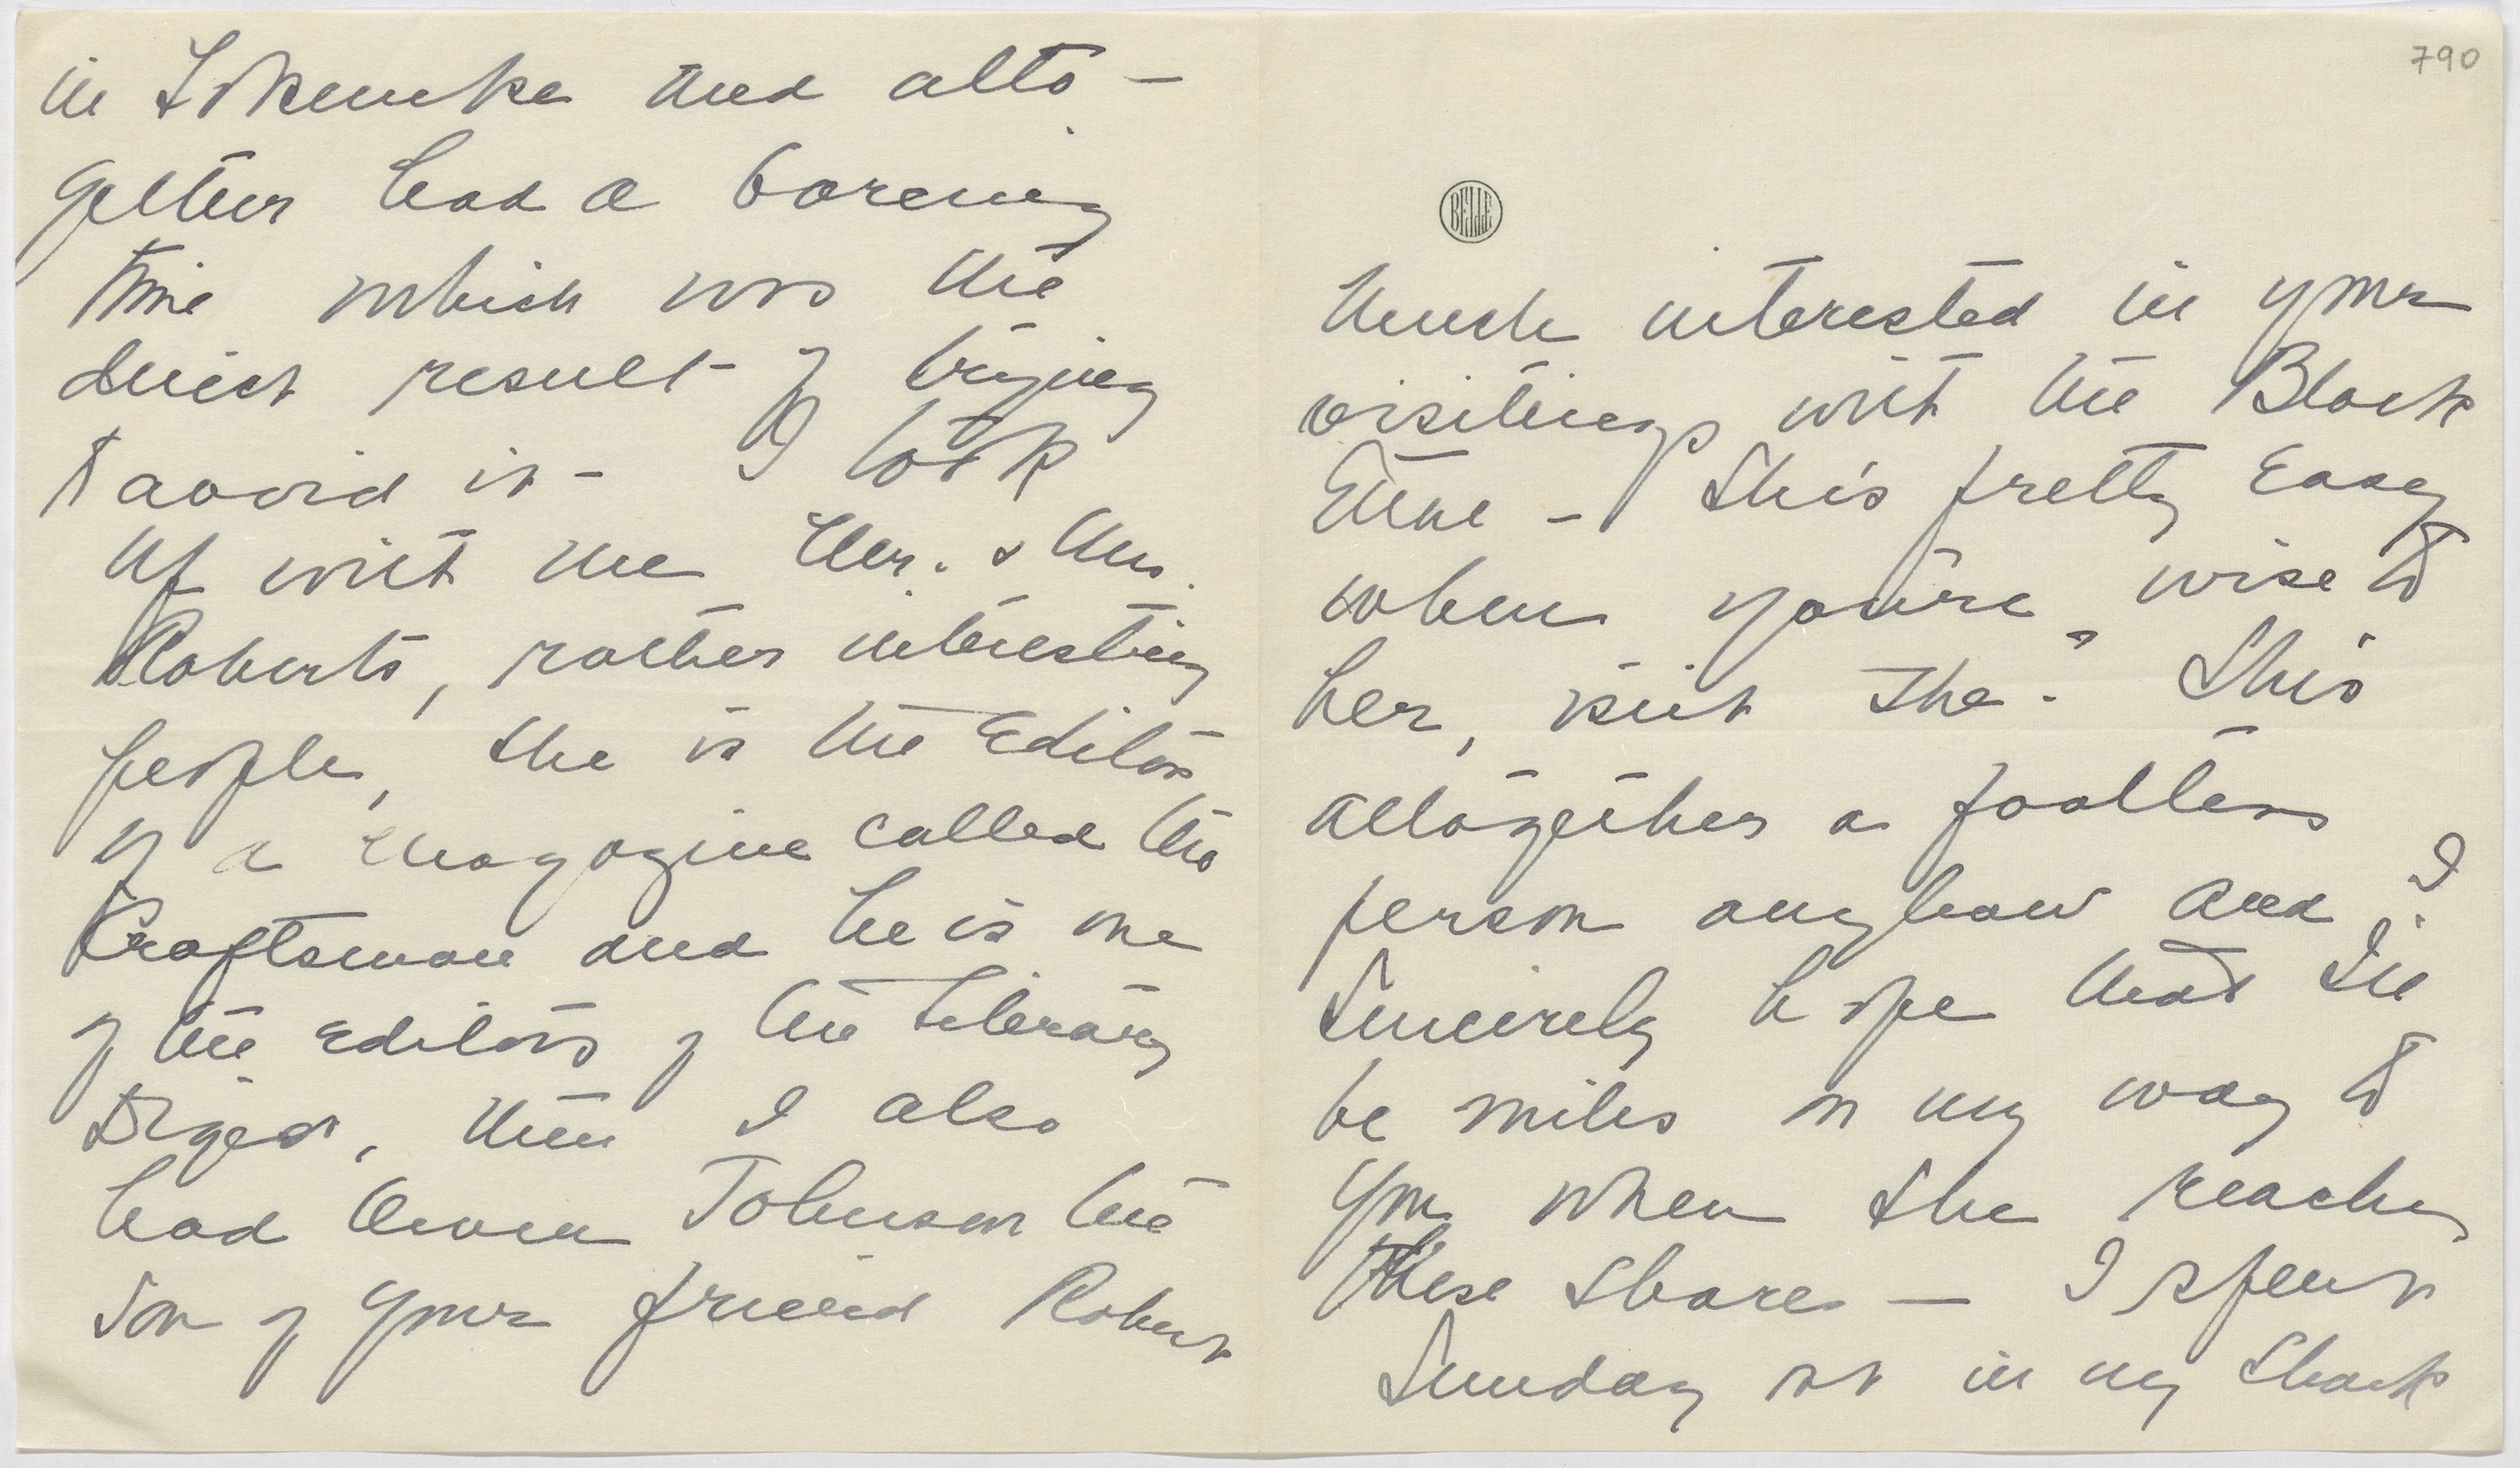Much interested in your visitings with the Black Ethel – She’s pretty easy when you’re wise to her, isn’t she? She’s altogether a footless person anyhow and I sincerely hope that I’ll be miles on my way to you when she reaches these shores – I spent Sunday out in my shack
in Tokeneke and altogether had a boreing [sic] time which was the direct result of trying to avoid it – I took up with me Mr. & Mrs. Roberts, rather interesting people, she is the editor of a magazine called the Craftsman and he is one of the editors of the Literary Digest, then I also had Owen Johnson the son of your friend Robert